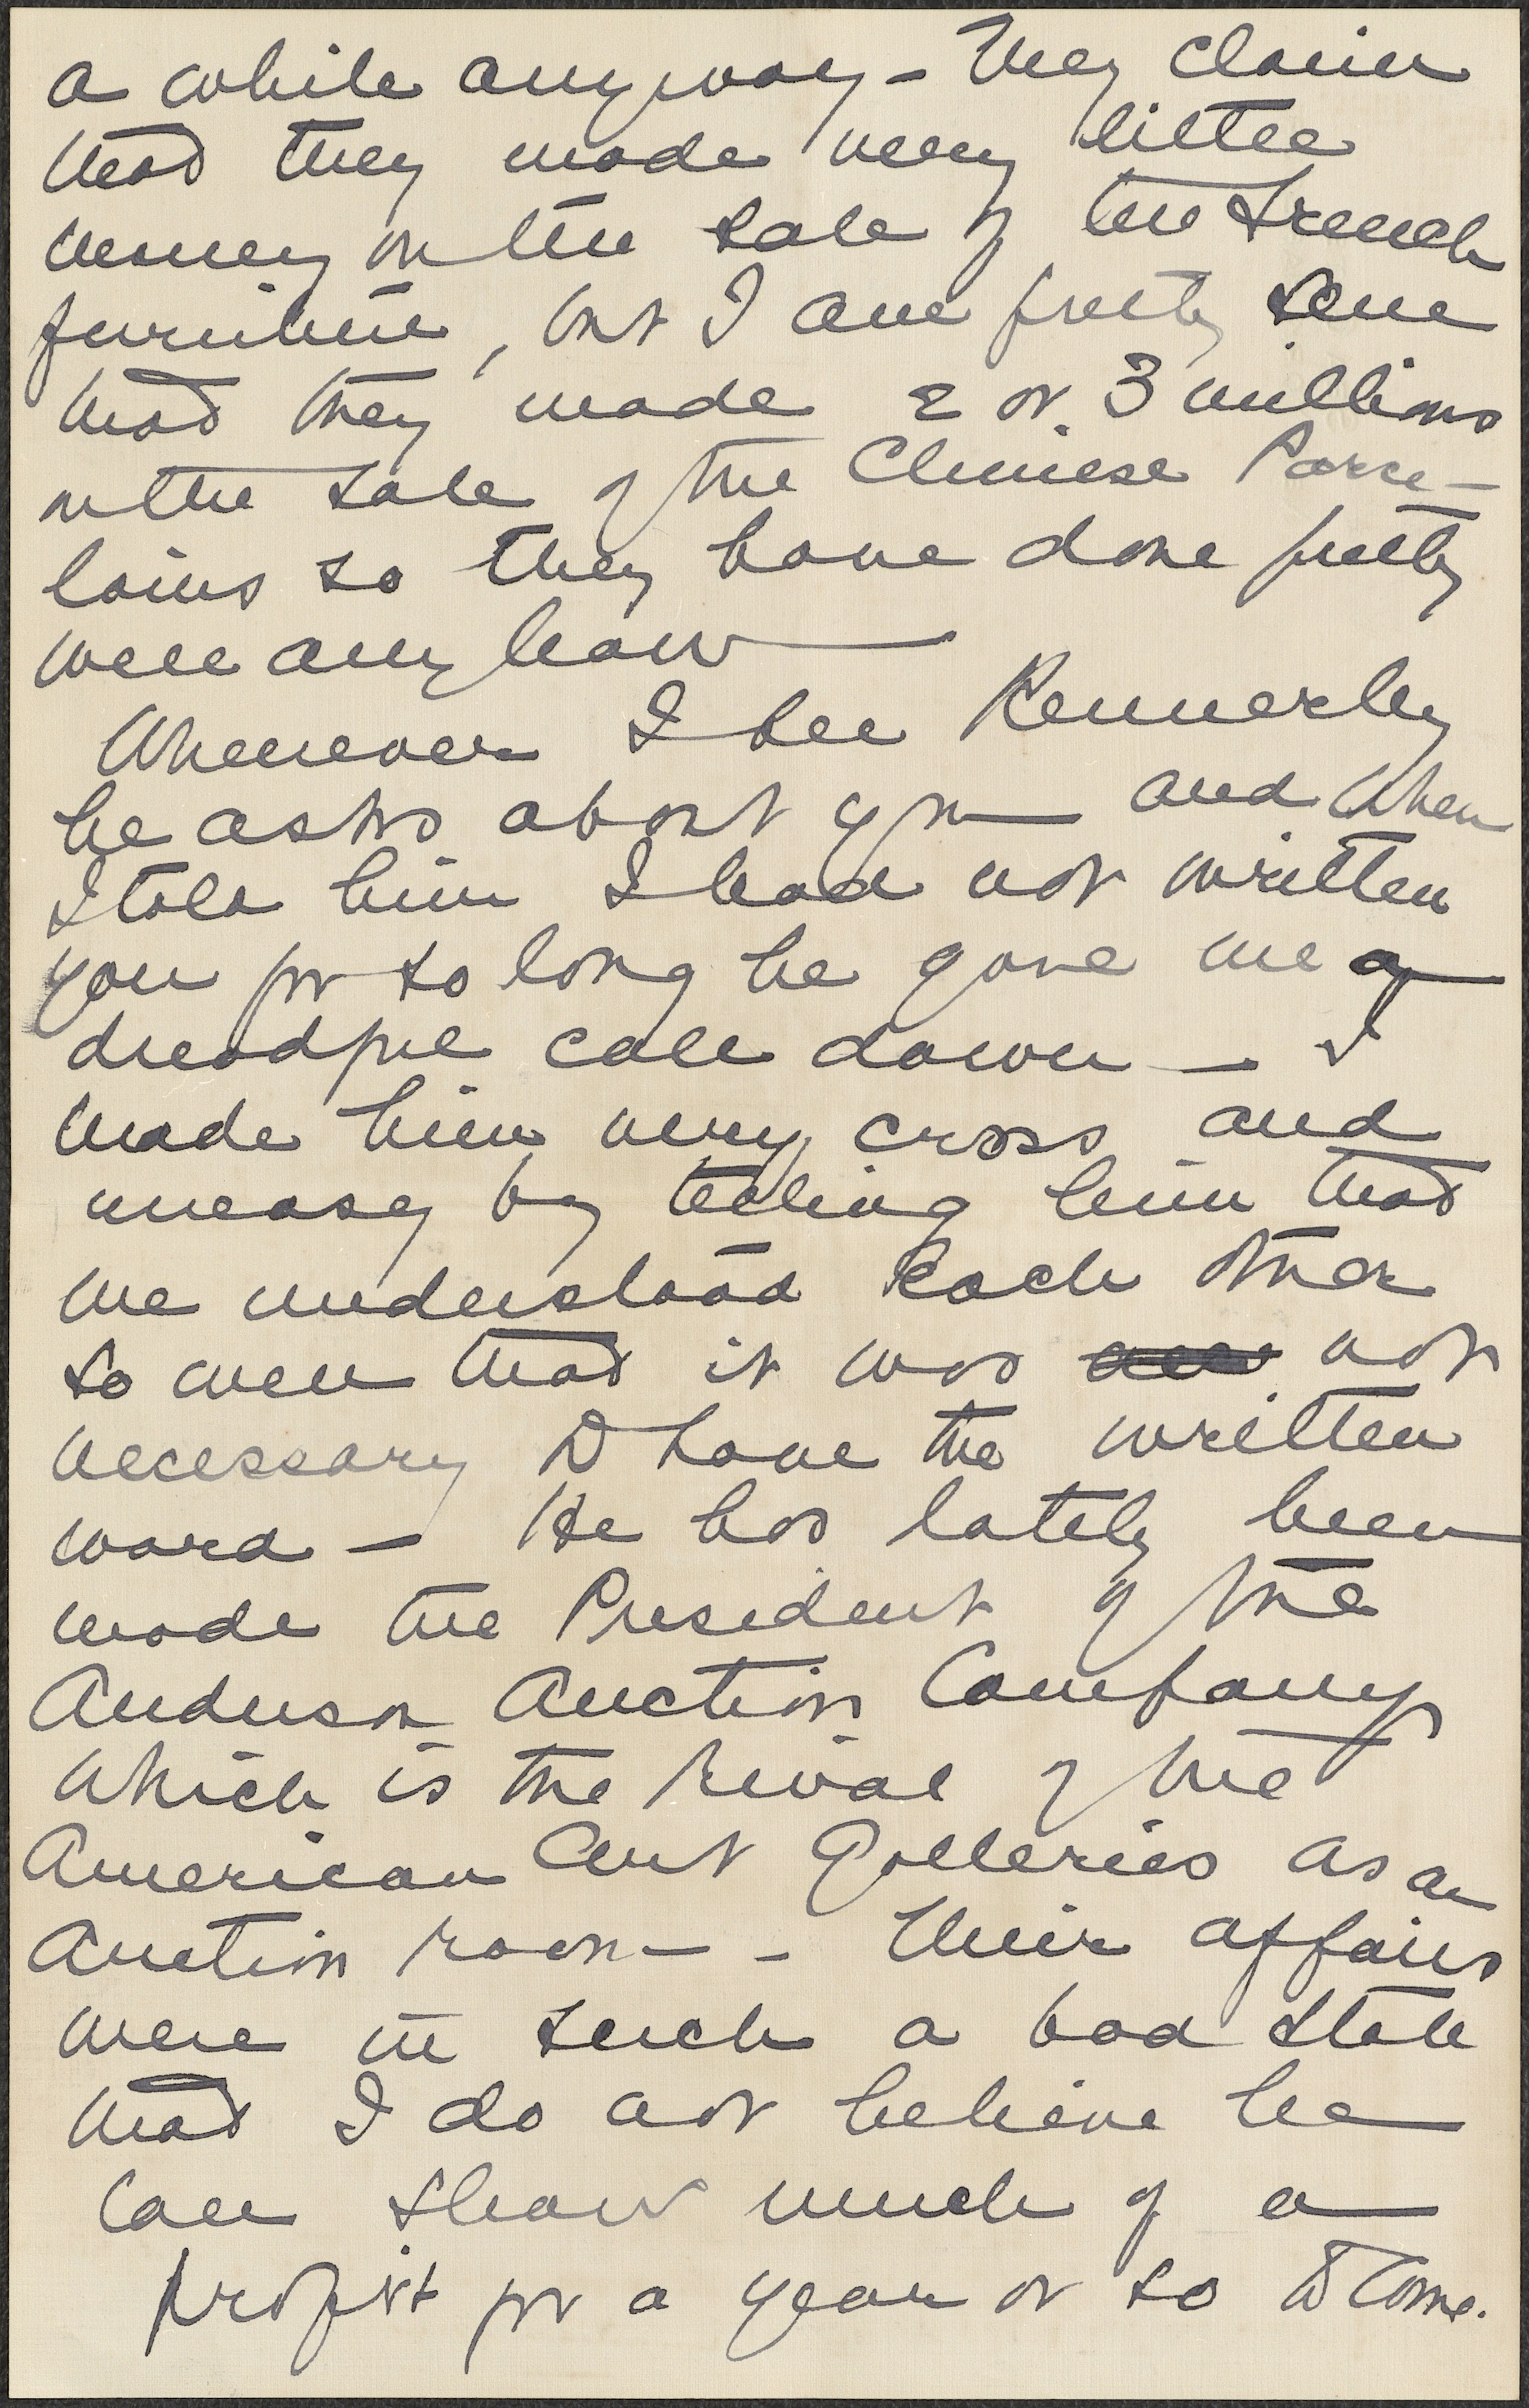a while anyway – They claim that they made very little money on the sale of the French furniture, but I am pretty sure that they made 2 or 3 millions on the sale of the Chinese Porcelains so they have done pretty well anyhow
Whenever I see Kennerley he asks about you – and when I told him I have not written you for so long he have me a dreadful call down – I made him very cross and uneasy by telling him that we understood each other so well that it was als not necessary to have the written word – He has lately been made the President of the Anderson Auction Company which is the rival of the American Art Galleries as an auction room – – their affairs were in such a bad state that I do not believe he can show much of a profit for a year or so to come.